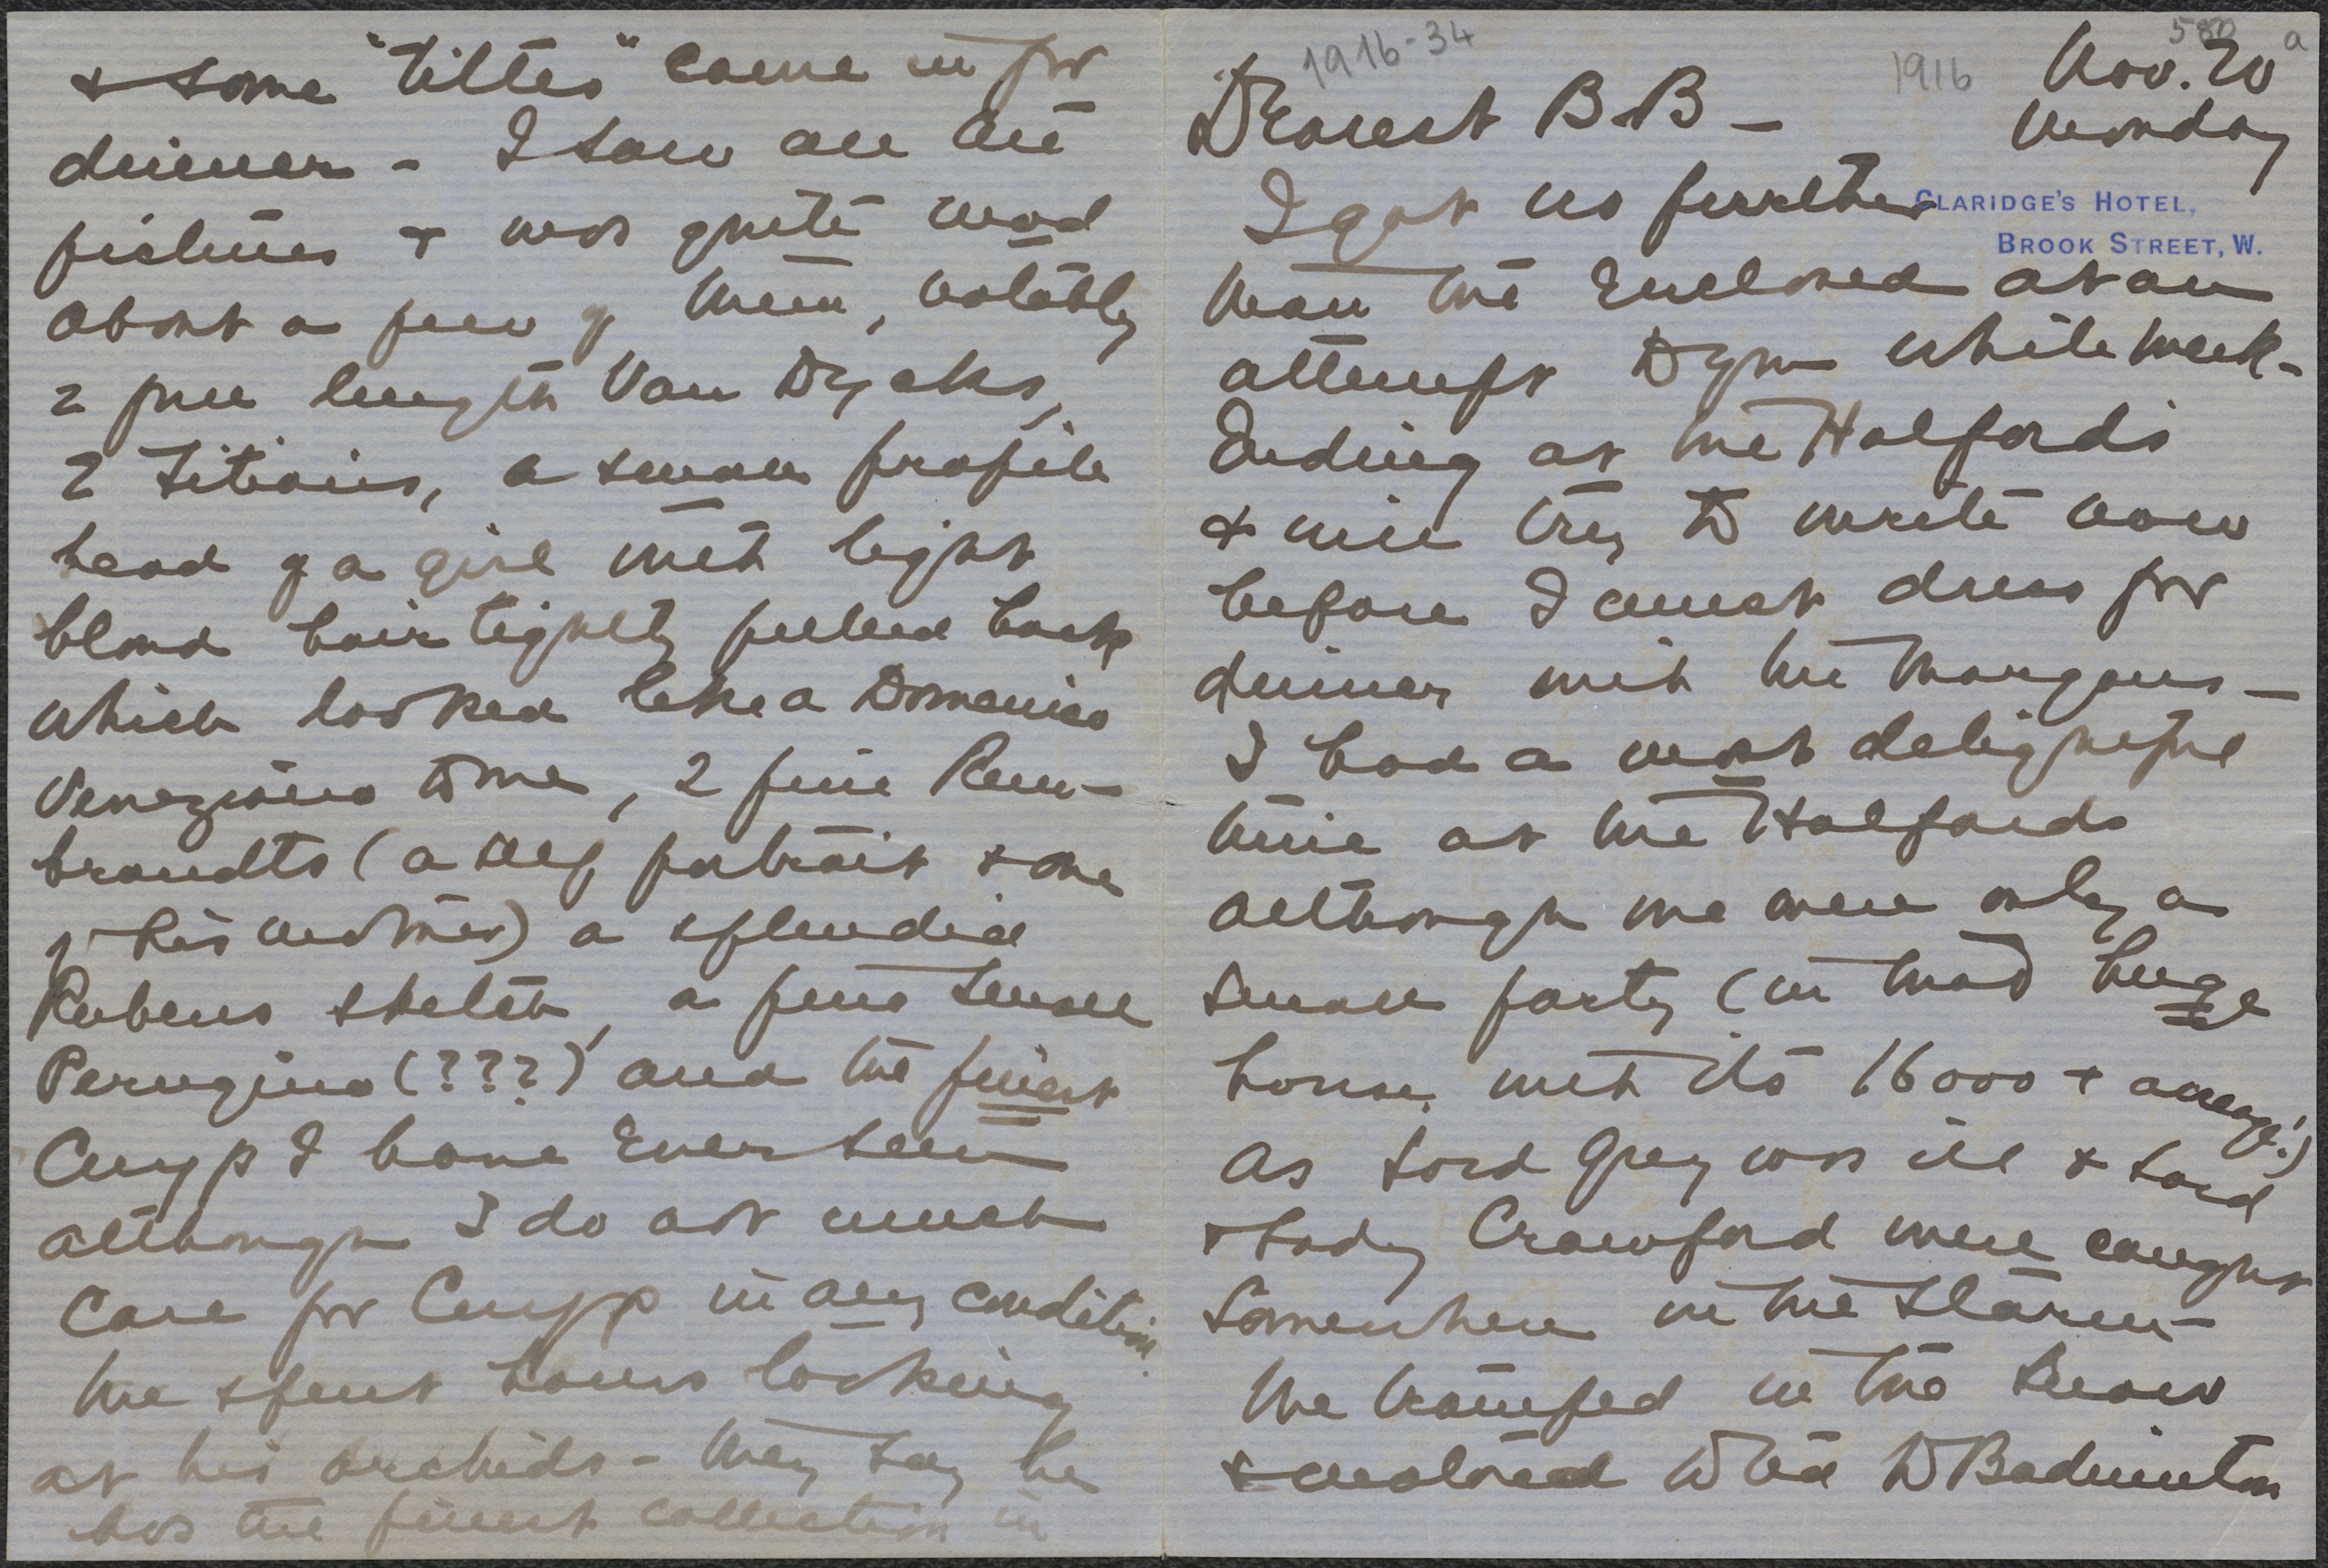Nov. 20
Monday
Dearest B.B –
I got no further than the enclosed at an attempt to you while week-ending at the Holford’s & will try to write now before I must dress for dinner with the Morgans – I had a most delightful time at the Holfords although one were only a small party (in that [double underlined: huge] house with its 16,000 + acreage!) as Lord Grey was ill & Lord & Lady Crawford were caught somewhere in the storm – We tramped in the snow & motored to tea to Badminton
& some “titles” came in for dinner – I saw all the pictures & was quite mad about a few of them, notably 2 full length Van Dycks, 2 Titian’s, a small profile head of a girl with light blond hair tightly pulled back which looked like a Domenico Veneziano to me, 2 fine Rembrandts (a self portrait & one of his mother) a splendid Rubens sketch, a fine small Perugino (???) and the [double underlined: finest] Cuyp I have ever seen although I do not much care for Cuyp in any condition. We spent hours looking at his orchids – they say he has the finest collection in